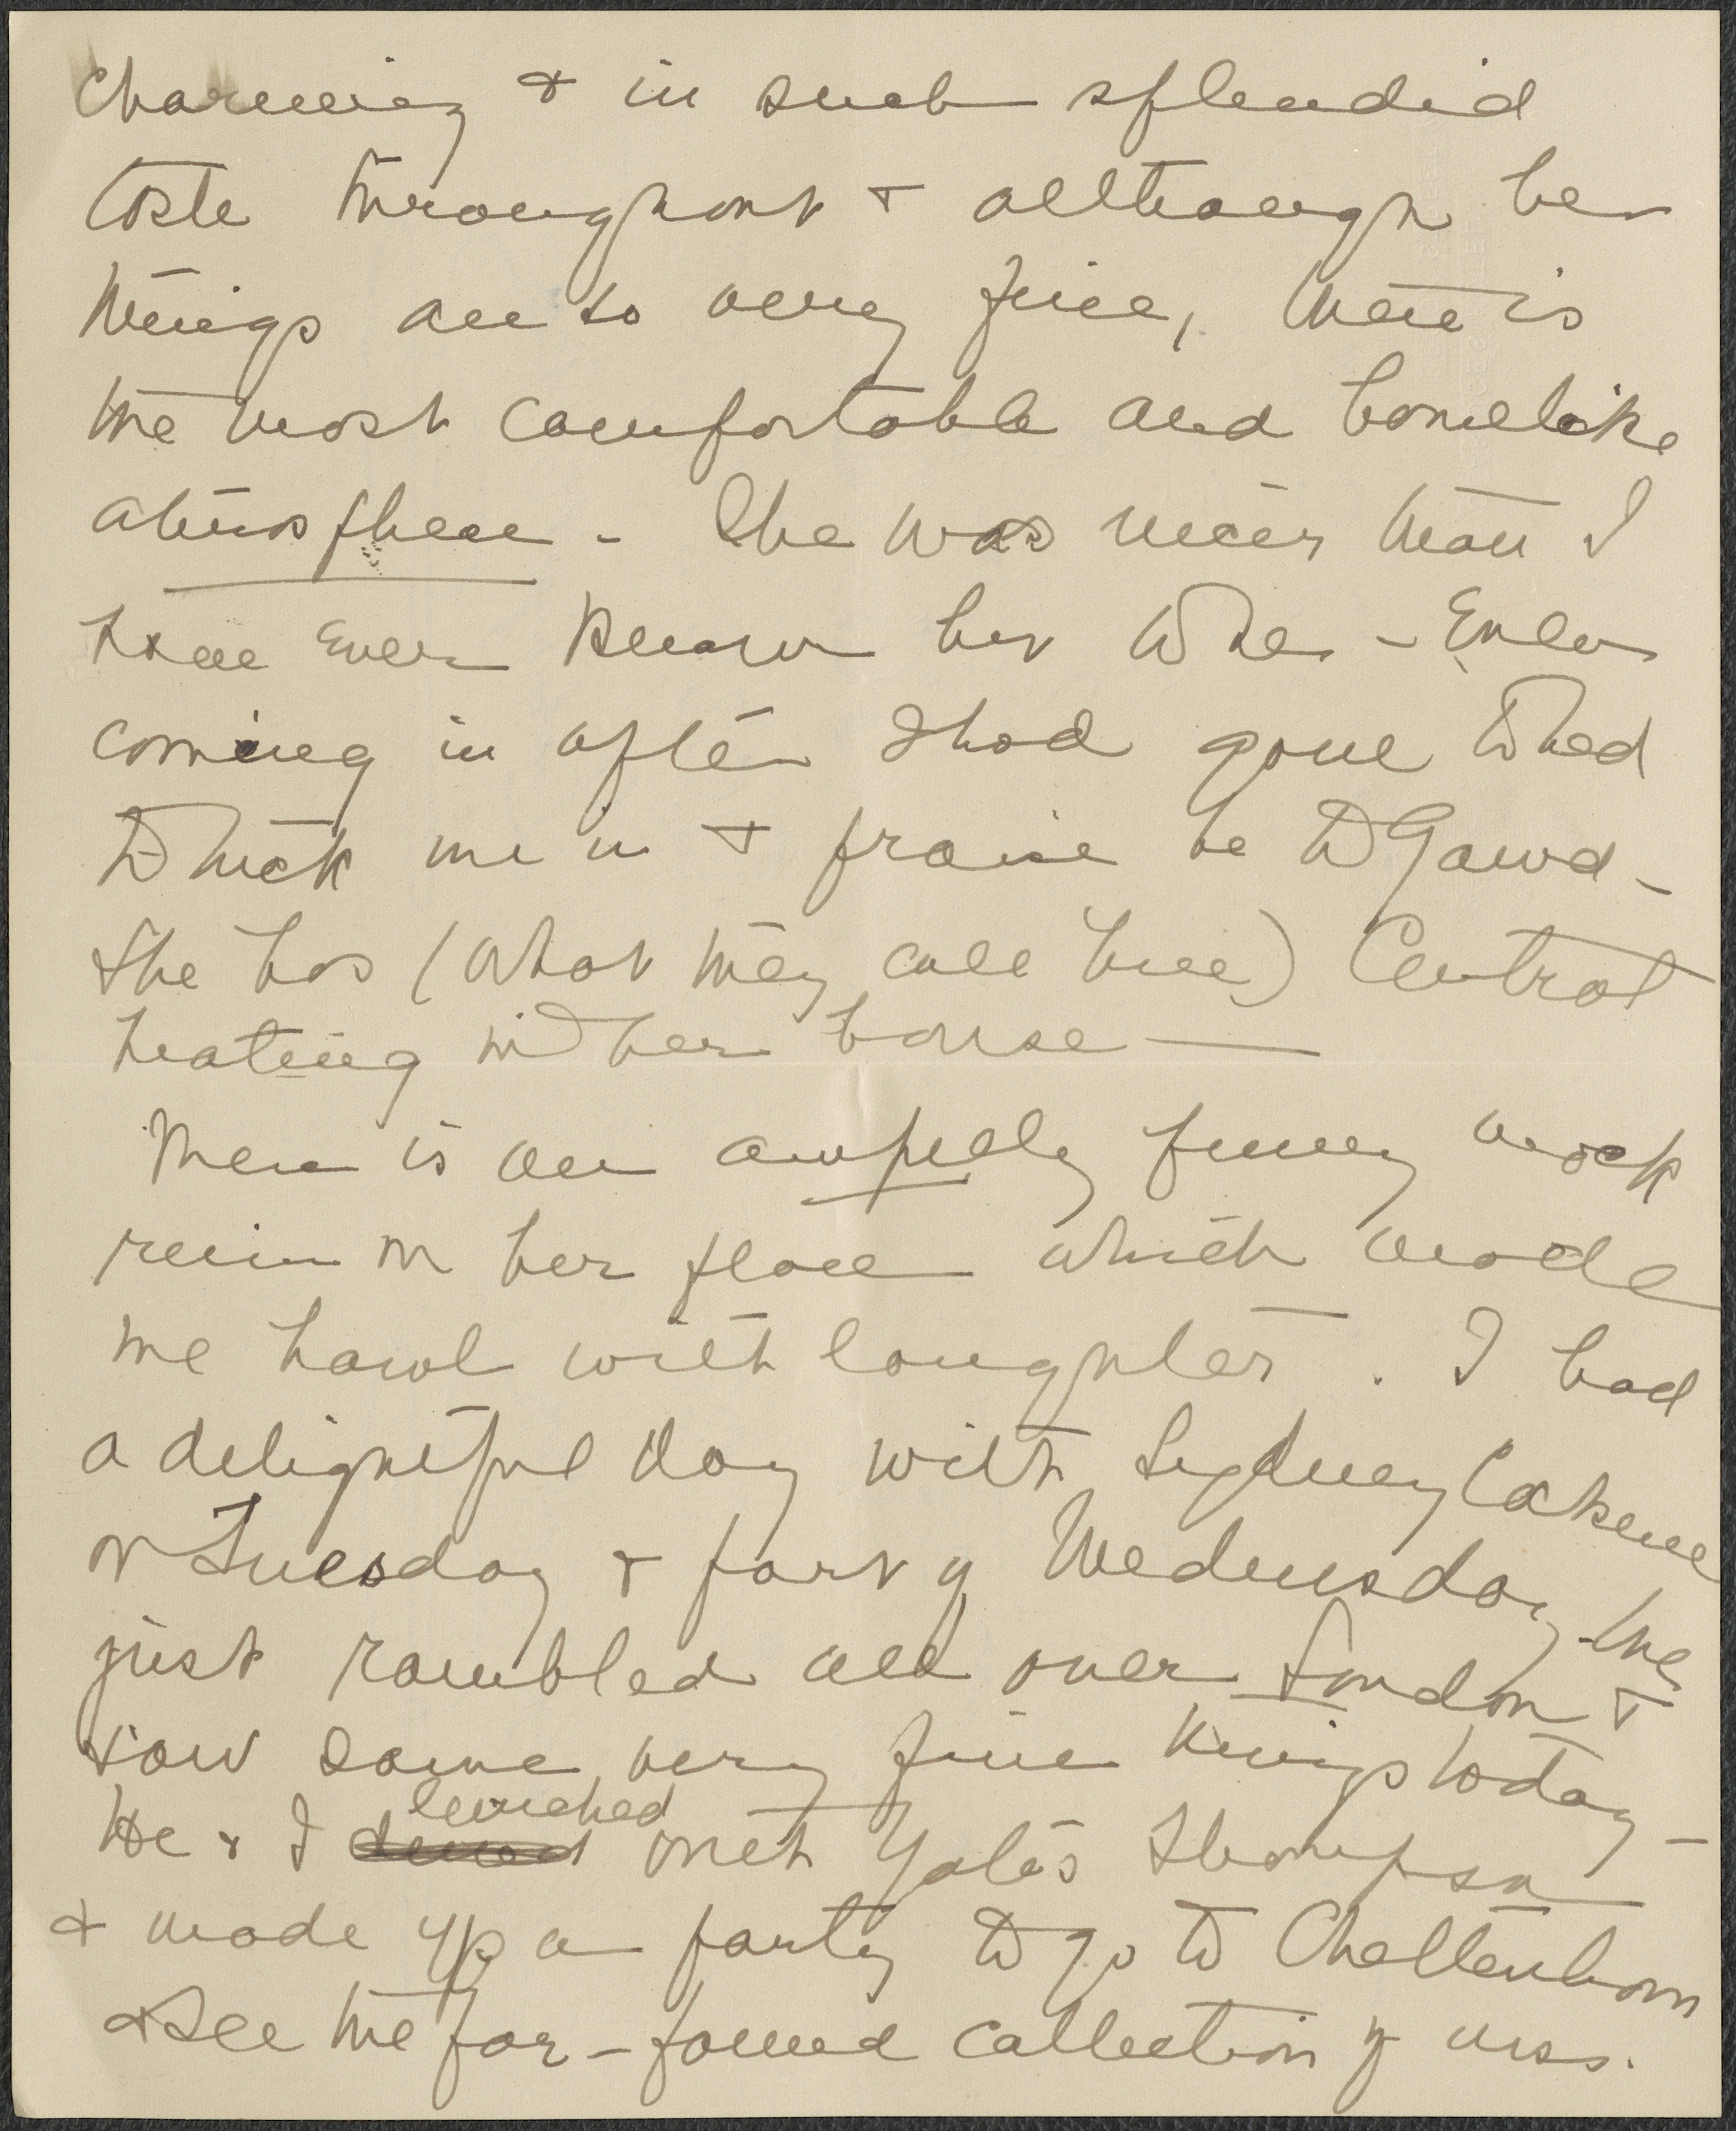charming & in such splendid taste throughout & although her things are so very fine, there is the most comfortable and homelike atmosphere. She was nicer than I have ever known her to be – even coming in after I had gone to bed to tuck me in & praise be to Gawd – she has (what they call here) control heating in her house –
There is an awfully funny mock ruin in her place which made me howl with laughter. I had a delightful day with Sydney Cockerel [sic] on Tuesday & part of Wednesday. We just rambled all over London & saw some very fine things today – He and I dined [^lunched^] with Yates Thomson & made up a party to go to Cheltenham to see the far-famed collection of mss.